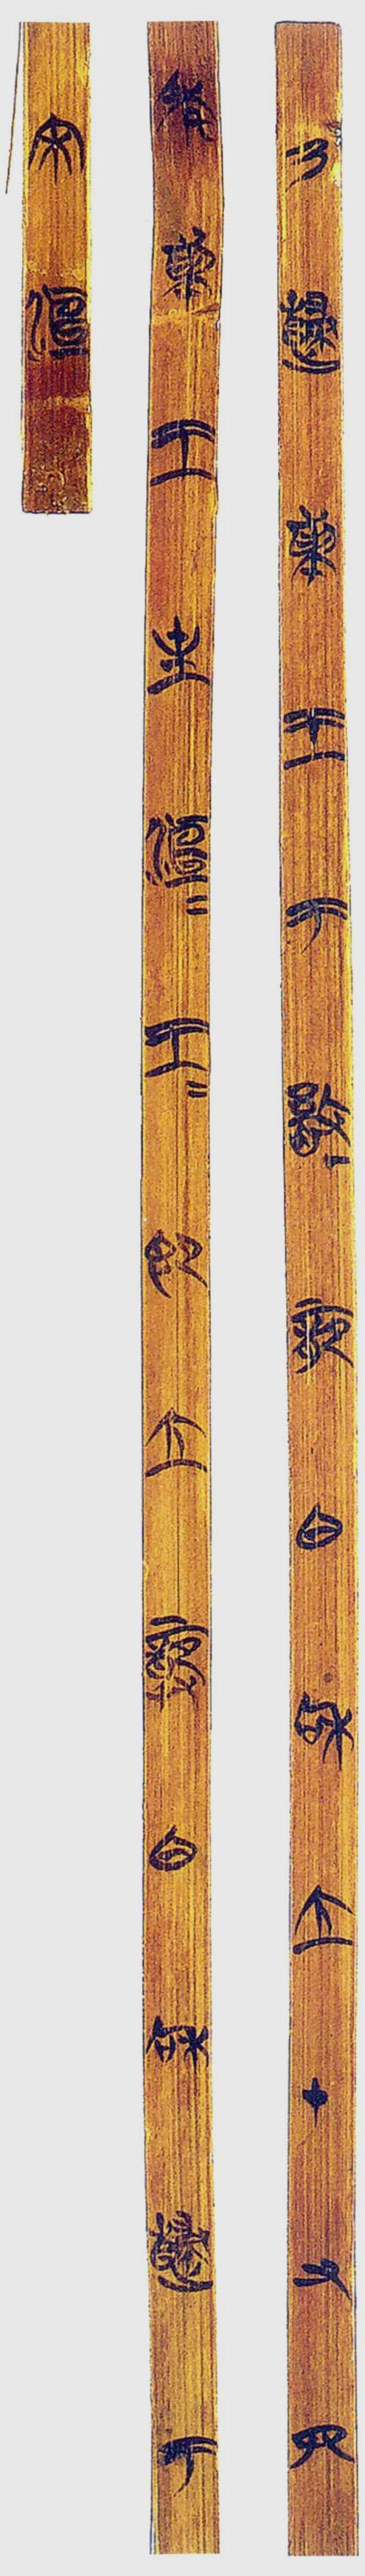乃歸{木𦥑}王于{育攴}龍白和立十又四年{木𦥑}王生洹=王=即立{龍廾}白和歸于宋洹
